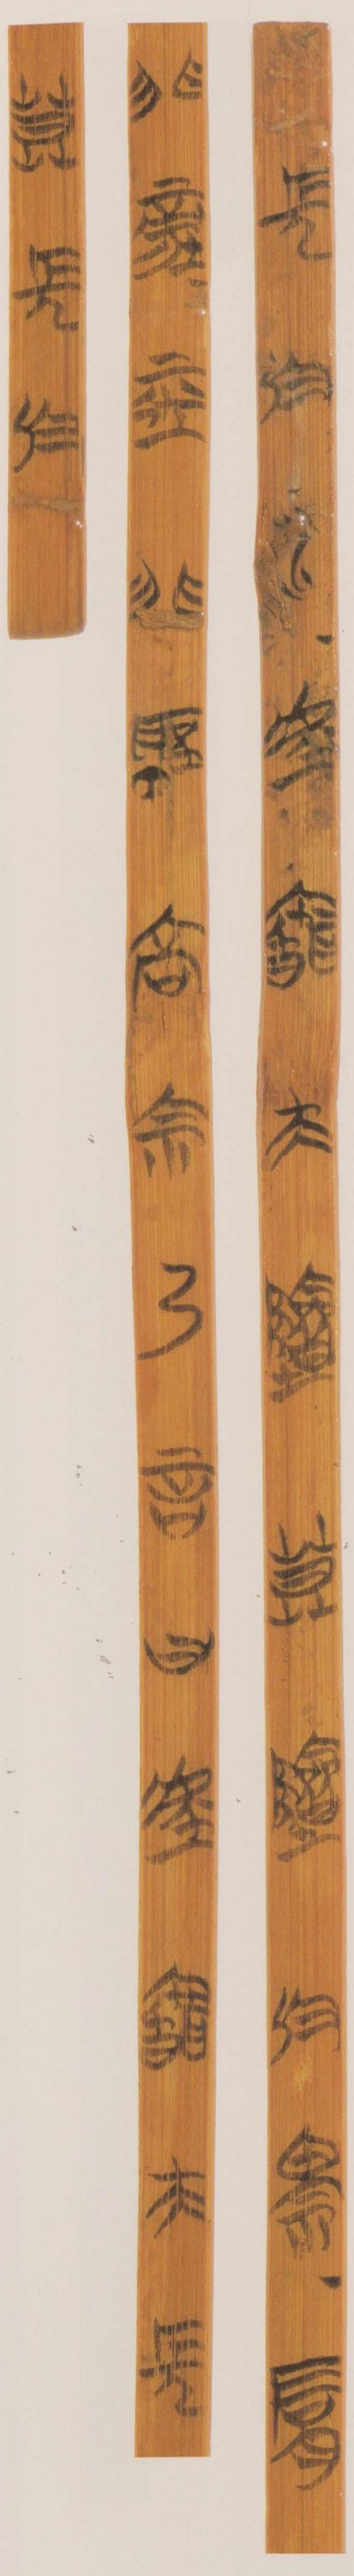長於水𫊟{尒䎽}夫險莫險於{鬼示}{厂肙}非坪亞非{耳襾呈}高宗乃言曰𫊟{尒䎽}夫長莫長於
